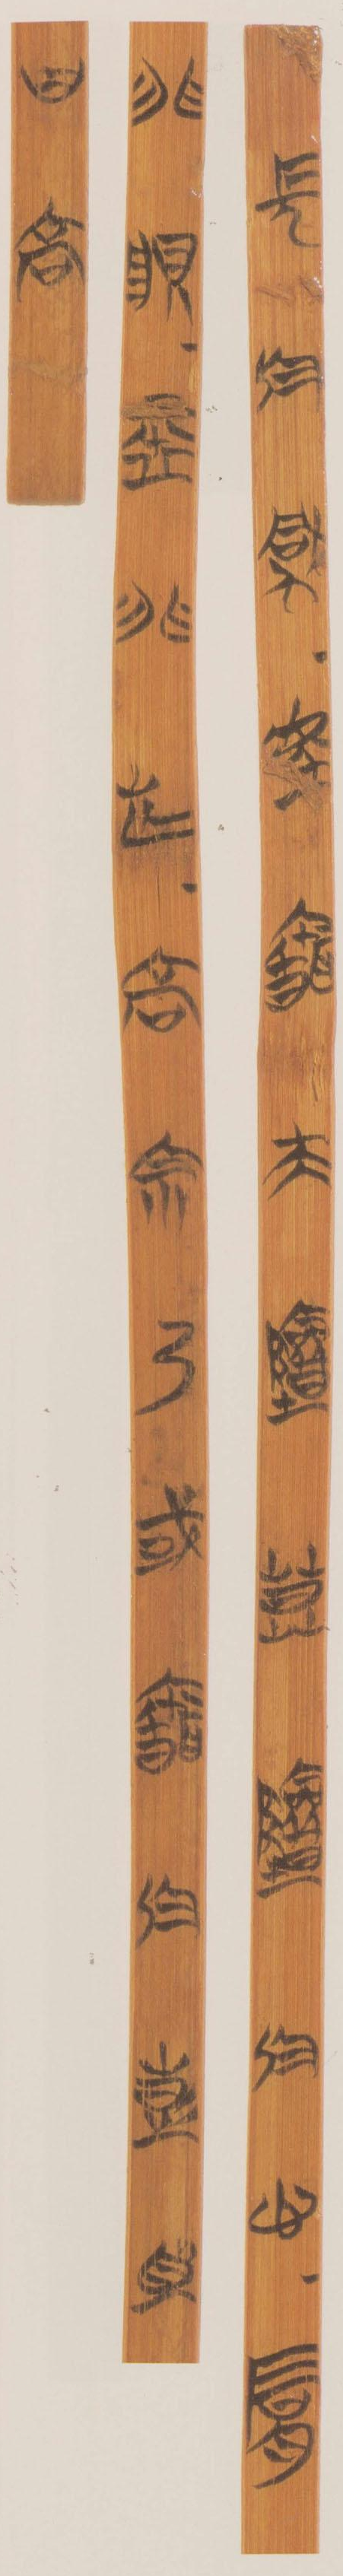長於風𫊟{尒䎽}夫險莫險於心{厂肙}非{爿貝}亞非{屮亡}高宗乃或{尒䎽}於彭且曰高
